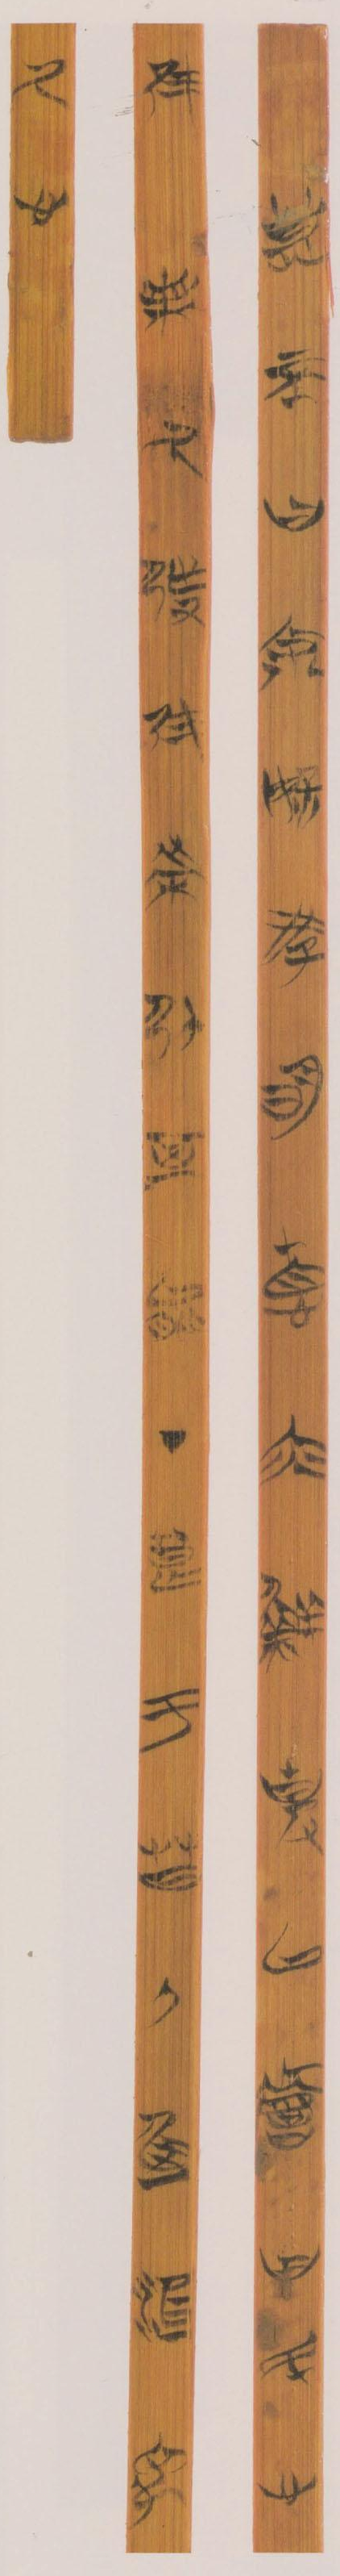莫不曰余{女呆}𡥈明惪亦鮮尅㠯（以）誨曰民心隹本B（本）氒{人乍又}隹枼引𠀠能丁良于{友日}人廼洹弔氒心
